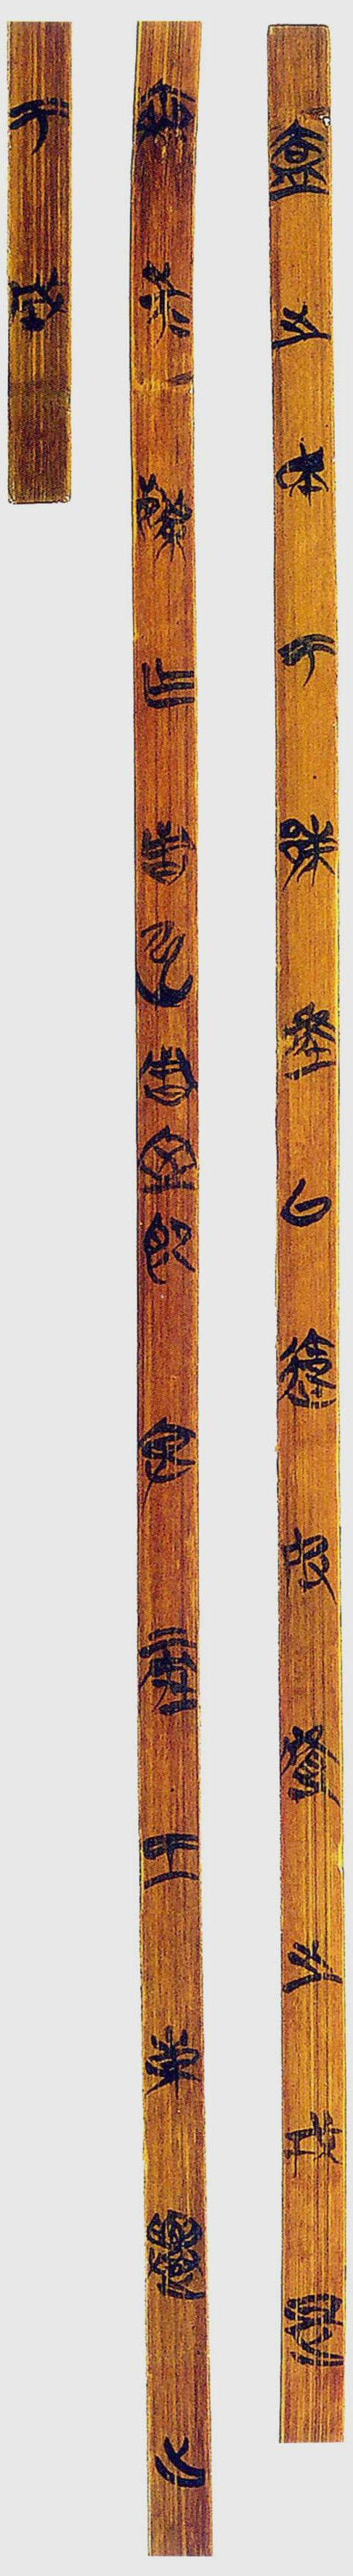盍之民于邾𫊟㠯（以）御奴虘B之戎是秦先=殜乍（作）周{尸山}周室即{宀卑}坪王東{䙴止}止于成
